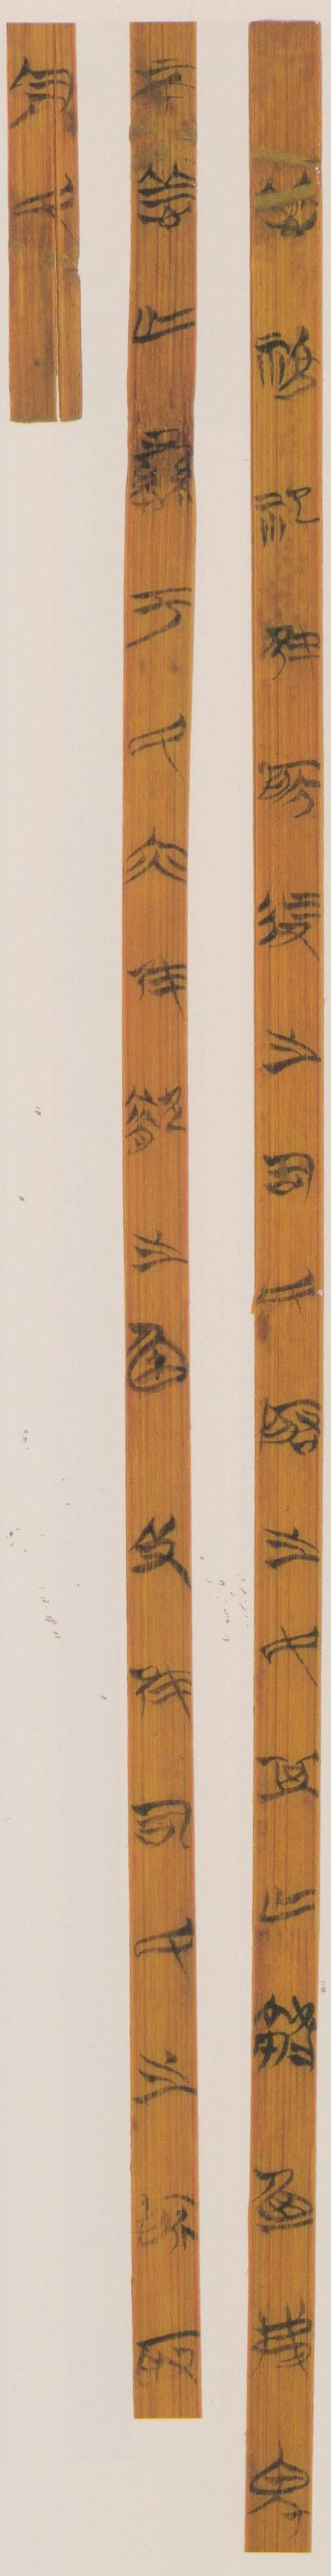{仌斤心}{示兔}祀隹所役之司民啟之民𠀠亡{京欠}廼弗畏不恙亡㬎于民亦隹{骨欠}之卣及隹司民之所取今民
